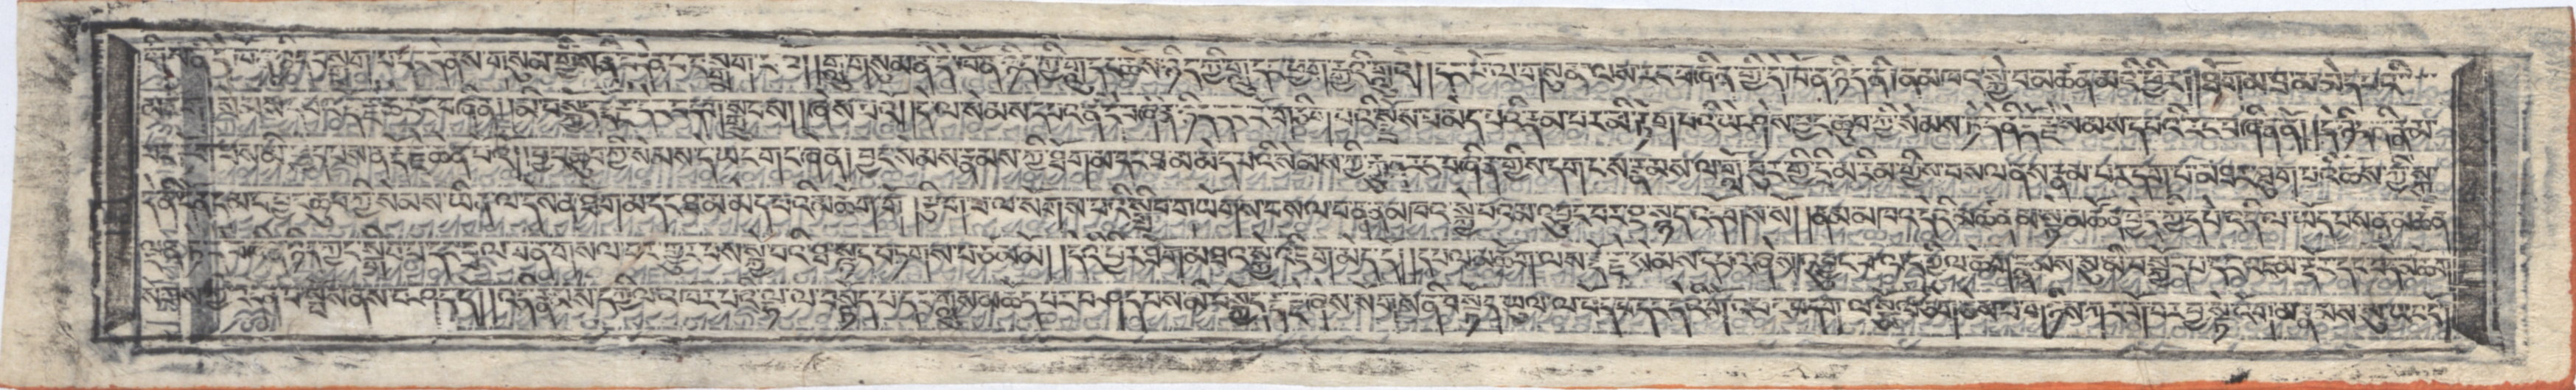གིས་ནི་དེ་ཁོ་ན་ཉིད་བསྒྲག་པ་དང་དེ་ནས་གསུམ་གྱིས་ནི་བདེན་པ་བསྒྲག་པའོ། །གླུ་གསུམ་ནི་དེ་ཁོ་ན་ཉིད་ཀྱི་གླུ་དང་ཆོས་ཉིད་ཀྱི་གླུ་དང་ཕྱག་རྒྱའི་གླུའོ། །དང་པོ་ལ་གསུམ་ལས་རང་བཞིན་གྱི་དེ་ཁོ་ན་ཉིད་ནི། ནམ་མཁའ་སྐྱེ་བ་མཚན་མའི་ཕྱིར། །ཐོག་མ་ཐ་མ་མེད་པའི་
མཆོག །སེམས་དཔའ་རྡོ་རྗེ་ཆེ་རང་བཞིན། །མི་བསྐྱོད་རྡོ་རྗེ་དེང་བདག་སྒྲུབས། །ཞེས་པའོ། །དེ་ལ་སེམས་དཔའ་ནི་དེ་བཞིན་ཉིད་དང་ངོ་གཅིག་པའི་སྤྲོས་པ་མེད་པའི་རྣམ་པར་མི་རྟོག་པའི་ཡེ་ཤེས་བྱང་ཆུབ་ཀྱི་སེམས་ཏེ་དེ་ནི་རྡོ་རྗེ་སེམས་དཔའི་རང་བཞིན་ནོ། །དེ་ཉིད་ནི་རྣམ་
པར་རྟོག་པས་མི་ཕྱེད་པས་ན་རྡོ་རྗེ་ཆེན་པོའོ། །བྱང་ཆུབ་ཀྱི་སེམས་དེ་ཡང་གང་ཞེ་ན། བྱང་སེམས་རྣམས་ཀྱི་ཐོག་མ་དང་ཐ་མ་མེད་པའི་སེམས་ཀྱི་རྒྱུན་རང་བཞིན་གྱིས་དག་པས་རྣམས་ལ་གློ་བུར་གྱི་དྲི་མ་རིམ་གྱིས་བསལ་ནས་རྣམ་པར་དག་པ་མཐར་ཐུག་པའི་ཆོས་ཀྱི་སྐུ་
དེ་ནི་དོན་དམ་པ་བྱང་ཆུབ་ཀྱི་སེམས་ཡིན་ལ་དེས་ན་ཐོག་མ་དང་ཐ་མ་མེད་པའི་མཆོག་གོ །རྩིག་པ་ལ་སོགས་པའི་སྒྲིབ་གཡོགས་བསལ་བ་ན་ནམ་མཁའ་སྐྱེ་བའམ་འབྱུང་བར་ཐ་སྙད་འདོགས་སོ། །ནམ་མཁའ་དེའི་མཚན་མ་སྟེ་མཚོན་བྱེད་ཀྱི་དཔེ་འདི་ལ་ཡོད་པས་ན་མཚན་
ལྡན་ཏེ་དེ་བཞིན་ཉིད་ཀྱང་སྒྲིབ་པ་དང་བྲལ་བ་ན་གསལ་བར་གྱུར་པས་སྐྱེ་བའི་ཐ་སྙད་བཏགས་པ་ཙམ་མོ། །དེའི་ཕྱིར་ཐོག་མཐའ་སྐྱེ་འཇིག་མེད་དོ། །དཔལ་མཆོག་ལས་རྡོ་རྗེ་སེམས་དཔའ་ཞེས་འབྱུང་བ་ལ་དཀྱིལ་ཆོག་རྣམས་སུ་མི་བསྐྱོད་པ་དང་འཇམ་རྡོར་དང་བདེ་མཆོག་
སོགས་ཀྱི་འདོན་པ་སྤོས་ནས་བཤད་དོ། །འདི་རྣམས་དཀྱིལ་འཁོར་པའི་ལྷ་ལ་བསྟོད་པ་དང་གླུས་མཆོད་པར་བཤད་པས་མི་བསྐྱོད་རྡོ་རྗེ་ཞེས་སོགས་ནི་བསྟོད་ཡུལ་ལ་བོད་པ་དང་དེའི་གོ་འཕང་བདག་ལ་སྩོལ་ཅིག་ཅེས་པ་གཉིས་ཀར་གོ་བར་བྱ་སྟེ་འོག་མ་རྣམས་སུ་ཡང་ངོ།